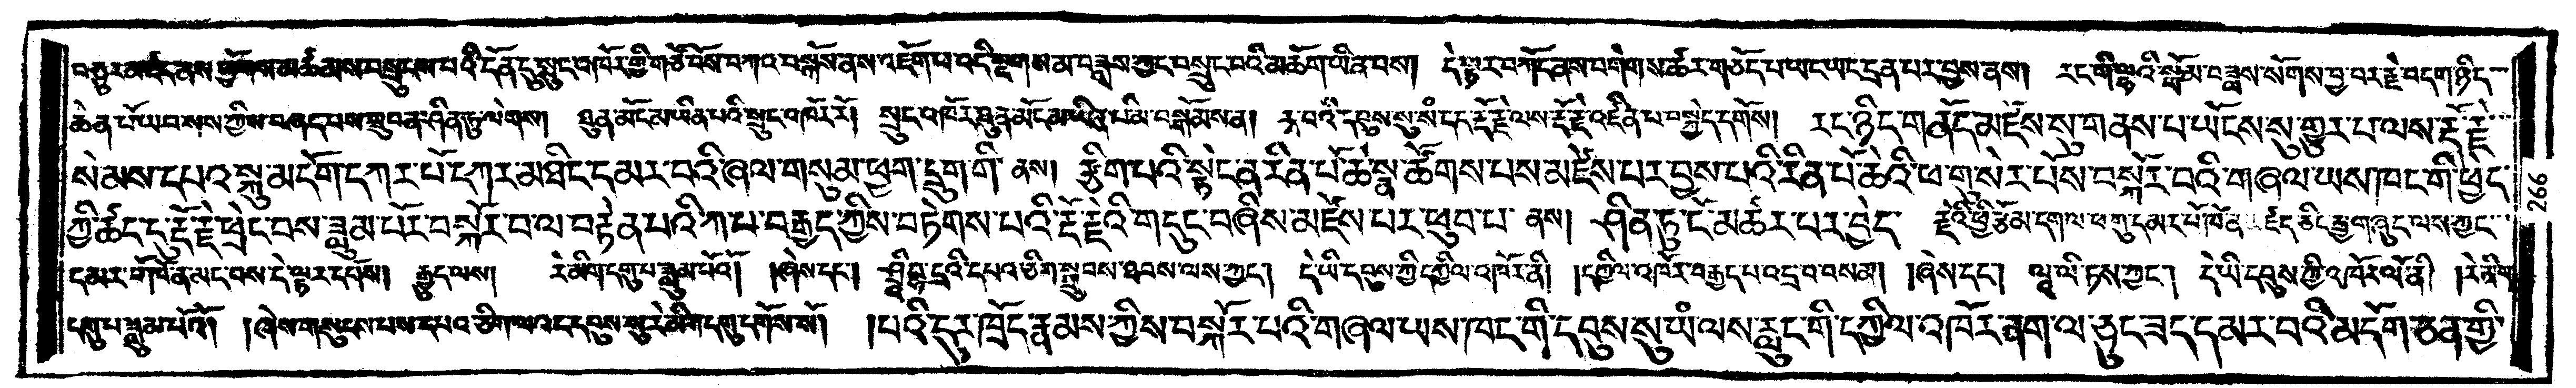བཅུར་མཛད་ནས་ཕྱོགས་མཚམས་བསྲུངས་པའི་དོན་དུ་སྤུང་འཁོར་གྱི་གཙོ་བོས་བཀའ་བསྐོས་ནས་འཇོག་པ་འདི་སྔགས་མ་བཟླས་ཀྱང་བསྲུང་བའི་མཆོག་ཡིན་པས། དེ་ལྟར་བཀོད་ནས་བགེགས་ཚར་གཅོད་པ་ཡང་ཡང་དྲན་པར་བྱས་ནས། རང་གི་ལྷའི་སྒོམ་བཟླས་སོགས་བྱ་བར་རྗེ་བདག་ཉིད་
ཆེན་པོ་ཡབ་སྲས་ཀྱིས་བཤད་པས་གྲུབ་ན་ཤིན་ཏུ་ལེགས། ཐུན་མོང་མ་ཡིན་པའི་སྲུང་འཁོར་རོ། སྲུང་འཁོར་ཐུན་མོང་མ་ཡིན་པ་མི་བསྒོམས་ན། རྭ་བའི་དབུས་སུ་སཾ་དང་རྡོ་རྗེ་ལས་རྡོ་རྗེ་འཛིན་པ་བསྐྱེད་དགོས། རང་ཉིད་གནོད་མཛེས་སུ་གནས་པ་ཡོངས་སུ་གྱུར་པ་ལས་རྡོ་རྗེ་
སེམས་དཔའ་སྐུ་མདོག་དཀར་པོ་དཀར་མཐིང་དམར་བའི་ཞལ་གསུམ་ཕྱག་དྲུག་གི་ནས། རྩིག་པའི་སྟེང་ན་རིན་པོ་ཆེ་སྣ་ཚོགས་པས་མཛེས་པར་བྱས་པའི་རིན་པོ་ཆེའི་ཕ་གསེར་པོས་བསྐོར་བའི་གཞལ་ཡས་ཁང་གི་ཕྱེད་
ཀྱི་ཚང་དུ་རྡོ་རྗེ་ཕྲེང་བས་ཟླུམ་པོར་བསྐོར་བ་ལ་བརྟེན་པའི་ཀ་པ་བརྒྱད་ཀྱིས་བཏེགས་པའི་རྡོ་རྗེའི་གདུང་བཞིས་མཛེས་པར་ཕུབ་པ་ནས། ཤིན་ཏུ་ངོ་མཚར་པར་བྱེད་རྗེའི་ཕྱི་རྩོམ་དག་ལ་ཕ་གུ་དམར་པོ་ཁོ་ན་མཛད་ཅིང་རྒྱ་གཞུང་ལས་ཀྱང་
དམར་པོ་ཁོ་ན་མང་པས་དེ་ལྟར་དགོས། རྒྱུད་ལས། རེ་མིག་དགུ་པ་ཟླུམ་པོའོ། །ཞེས་དང་། ཤྲཱི་བྷ་དྲའི་དཔའ་ཅིག་སྒྲུབས་ཐབས་ལས་ཀྱང་། དེ་ཡི་དབུས་ཀྱི་དཀྱིལ་འཁོར་ནི། །དཀྱིལ་འཁོར་བརྒྱད་པ་འདྲ་བ་བསམ། །ཞེས་དང་། ལཱ་ལི་ཏས་ཀྱང་། དེ་ཡི་དབུས་ཀྱི་འཁོར་ལོ་ནི། །རེ་མིག་
དགུ་པ་ཟླུམ་པོའོ། །ཞེས་གསུངས་པས་དཔའ་ཅིག་ལའང་དབུས་སུ་རེ་མིག་དགུ་དགོས་སོ། །པའི་དུར་ཁྲོད་རྣམས་ཀྱིས་བསྐོར་པའི་གཞལ་ཡས་ཁང་གི་དབུས་སུ་ཡཾ་ལས་རླུང་གི་དཀྱིལ་འཁོར་ནག་ལ་ཅུང་ཟད་དམར་པའི་མདོག་ཅན་གྱི་